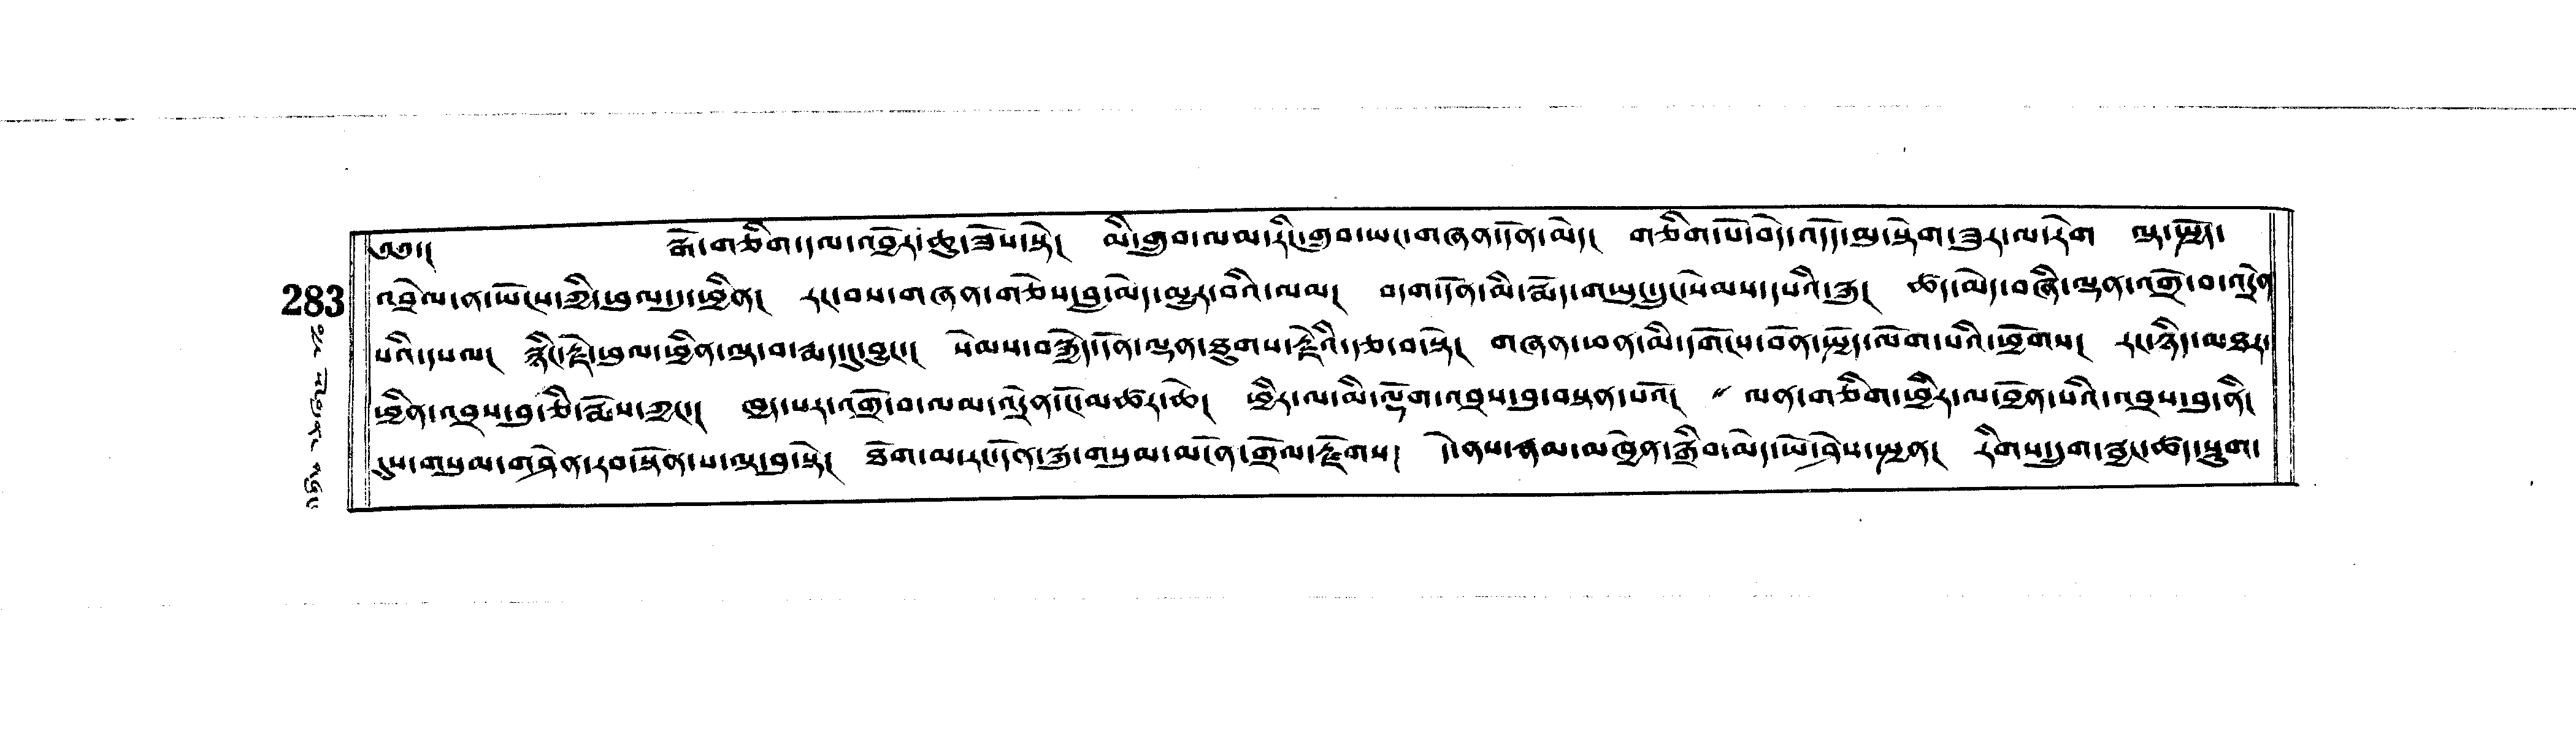སྒོ་གཅིག་དལ་འབྱོར་ཆུད་ཟོས་ཏེ། མི་གྲུབ་ལམ་རིང་གྲུབ་ཡང་གཞན་དོན་མེད། གཅིག་པོ་བདེ་འདོད་མུ་སྟེགས་ཟུར་ལ་རེག ལྟ་སྤྱོད་
འབྲེལ་ན་ཡོངས་ཀྱི་ཕུལ་དུ་ཕྱིན། རང་བས་གཞན་གཅེས་བླ་མེད་མྱུར་བའི་ལམ། བདག་དོན་མི་སྨོད་གཡུང་དྲུང་སེམས་དཔའི་སྐུ། ཚད་མེད་བཞི་ལྡན་འགྲོ་བ་འདྲེན་
པའི་དཔལ། སྙིང་རྗེ་ཕུལ་ཕྱིན་ལྟ་བ་རྨད་དུ་བྱུང་། སེམས་བསྐྱེད་དོན་ལྡན་ཐུགས་རྗེའི་རྩ་བ་སྟེ། གཞན་ཕན་མི་དགོངས་བོན་སྤྱོད་ལོག་པའི་ཕྱོགས། རང་ཉིད་མཐར་
ཕྱིན་འབྲས་བུ་ཅི་སྨོས་ཀྱང་། ཁྱད་པར་འགྲོ་བ་ལམ་འདྲེན་ངོ་མཚར་ཆེ། ཕྱིར་ལ་མི་ལྡོག་འབྲས་བུ་བསྟན་པའོ། ༧ ལན་ཅིག་ཕྱིར་ལ་བྱོན་པའི་འབྲས་བུ་ནི། 
དུས་གསུམ་གཤེན་རབ་སྟོན་པ་ལྟ་བུ་སྟེ། ཐོག་མ་རང་དོན་སྐུ་གསུམ་མངོན་གྲོལ་རྫོགས། དེ་ནས་རྣམ་མཁྱེན་སྒྲིབ་མེད་ཡེ་ཤེས་སྤྱན། རིགས་དྲུག་སྦྱང་ཚད་སྡུག་